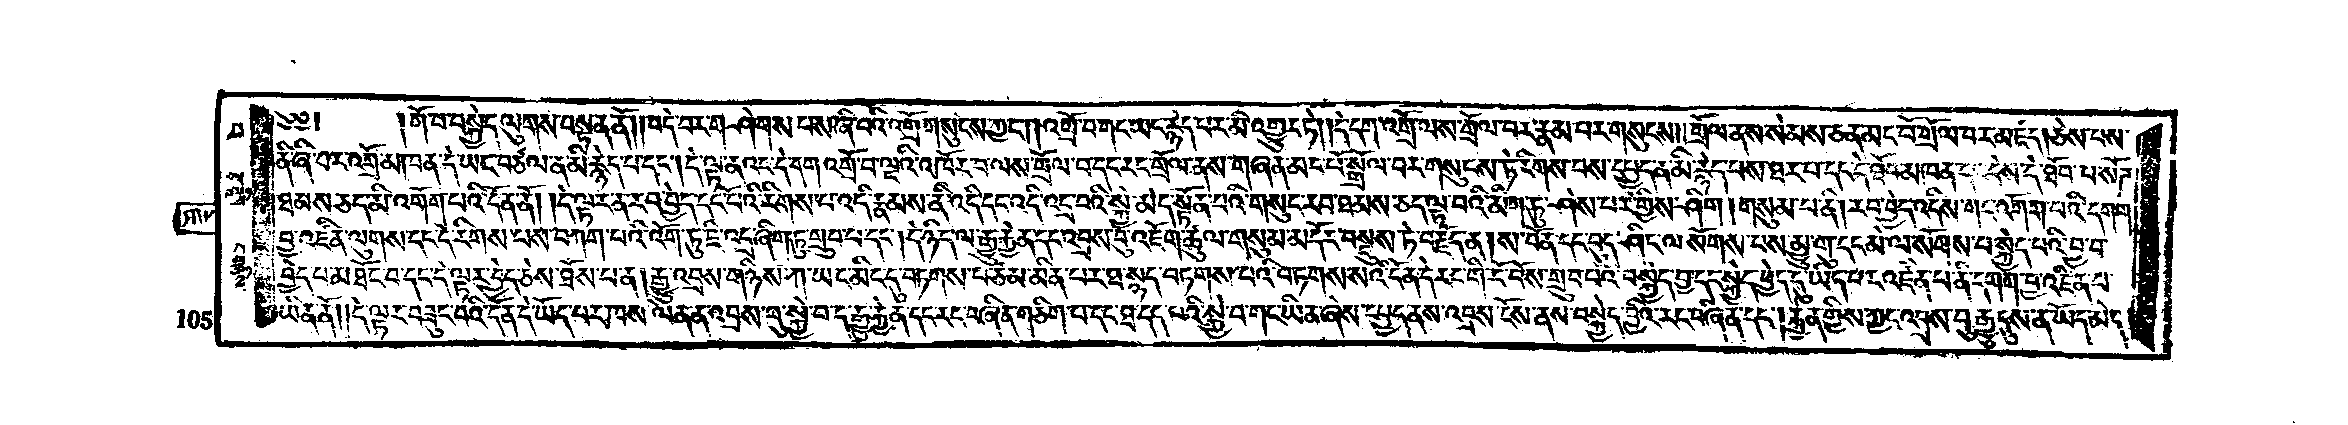༄༅། །གོ་བ་བསྐྱེད་ལུགས་བསྟན་ནོ། །བདེ་བར་གཤེགས་པས་ཞི་བའི་འགྲོ་གསུངས་ཀྱང་། །འགྲོ་བ་གང་ཡང་རྙེད་པར་མི་འགྱུར་ཏེ། །དེ་དག་འགྲོ་ལས་གྲོལ་བར་རྣམ་པར་གསུངས། །གྲོལ་ནས་སེམས་ཅན་མང་པོ་གྲོལ་བར་མཛད། ཅེས་པས་
ནི་ཞི་བར་འགྲོ་མཁན་དེ་ཡང་བཙལ་ན་མི་རྙེད་པ་དང་། དེ་ལྟ་ནའང་དེ་དག་འགྲོ་བ་ལྔའི་འཁོར་བ་ལས་གྲོལ་བ་དང་རང་གྲོལ་ནས་གཞན་མང་པོ་སྒྲོལ་བར་གསུངས་ཏེ་རིགས་པས་དཔྱད་ན་མི་རྙེད་པས་ཐར་པ་དང་དེ་ཐོབ་མཁན་དང་དེས་དེ་ཐོབ་པ་སོཌ་
ཐམས་ཅད་མི་འགོག་པའི་དོན་ནོ། །དེ་ལྟར་ན་རབ་བྱེད་དང་པོའི་རིགས་པ་འདི་རྣམས་ནི་འདི་དང་འདི་འདྲ་བའི་སྐྱེ་མེད་སྟོན་པའི་གསུང་རབ་ཐམས་ཅད་ལྟ་བའི་མིག་ཏུ་ཤེས་པར་གྱིས་ཤིག། གསུམ་པ་ནི། རབ་བྱེད་འདིས་གང་འགོག་པའི་དགག་
བྱ་འཛིན་ལུགས་དང་དེ་རིགས་པས་བཀག་པའི་འོག་ཏུ་ཇི་འདྲ་ཞིག་ཏུ་གྲུབ་པ་དང་། དེ་ཉིད་ལ་རྒྱུ་རྐྱེན་དང་འབྲས་བུ་འཇོག་ཚུལ་གསུམ་མདོར་བསྡུས་ཏེ་བརྗོད་ན། ས་བོན་དང་བུད་ཤིང་ལ་སོགས་པས་མྱུ་གུ་དང་མི་ལ་སོགས་པ་སྐྱེད་པའི་བྱ་བ་
བྱེད་པ་མཐོང་བ་དང་དེ་ལྟར་བྱེད་ཅེས་ཐོས་པ་ན། རྒྱུ་འབྲས་གཉིས་ཀ་ཡང་མིང་དུ་བཏྲགས་པ་ཙམ་མིན་པར་ཐ་སྙད་བཏགས་པའི་བཏགས་སའི་དོན་དེ་རང་གི་ངོ་བོས་གྲུབ་པའི་བསྐྱེད་བྱ་དང་སྐྱེད་བྱེད་དུ་ཡིད་པར་འཛིན་པ་ནི་དགག་བྱ་འཛིན་པ་
ཡིན་ནོ། །དེ་ལྟར་བཟུང་བའི་དོན་དེ་ཡོད་པར་ཁས་ལེན་ན་འབྲས་བུ་སྐྱེ་བ་དུ་རྒྱུ་རྐྱེན་དང་རང་བཞིན་གཅིག་པ་དང་ཐ་དད་པའི་སྐྱེ་བ་གང་ཡིན་ཞེས་དཔྱད་ནས་འབྲས་ངོས་ནས་བསྐྱེད་བྱའི་རང་བཞིན་དང་། རྐྱེན་གྱིས་ཀྱང་འབྲས་བུ་རྒྱུ་དུས་ན་ཡོད་མེད་